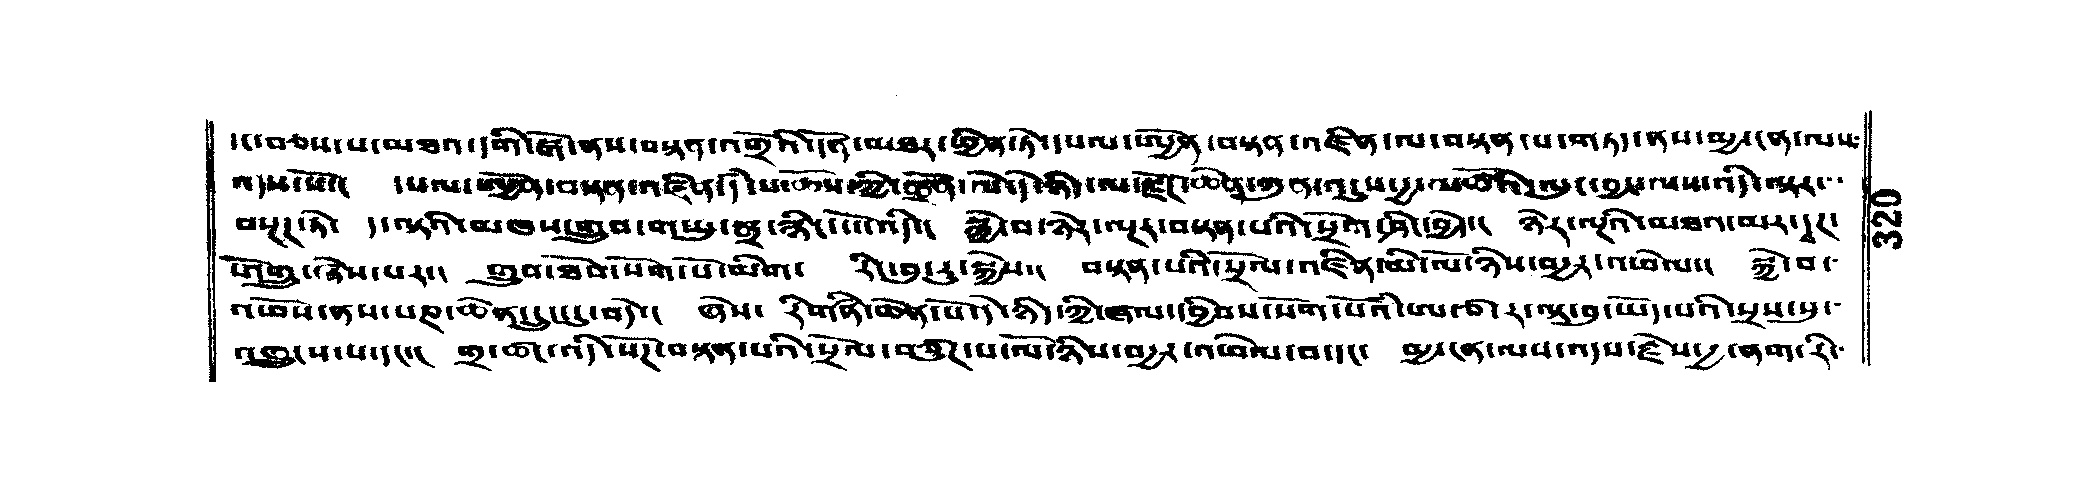དང་བཅས་པ་མཐའ་དག་གི་སྒོ་ནས་བསྟན་འགྲོའི་དོན་མཐར་ཕྱིན་ཏེ་དཔལ་ཨོ་རྒྱན་བསྟན་འཛིན་ལ་བསྟན་པ་གཏད་ནས་མྱ་ངན་ལས་
འདས་སོ།། དཔལ་ཨོ་རྒྱན་བསྟན་འཛིན་དམ་པ་ཆོས་ཀྱི་སྒྲོན་མེ་དེ་ཉིད་ལ་རྫོགས་ཆེན་ཀུན་འདུས་རྒྱ་མཚོའི་ལུང་བྱང་ལས་འདི་ལྟར་
བསྔགས་ཏེ། ད་ལྟའི་མཁས་གྲུབ་གཡུ་སྒྲ་སྙིང་པོ་འདི། །སྐྱེ་བ་ཉེར་ལྔར་བསྟན་པའི་སྲོག་ཤིང་བྱེད། །ཉེར་ལྔའི་མཐའ་མར་དྭགས་
པོ་གྲུ་ཞེས་པར། །གྲུབ་ཐོབ་སོག་པོ་མིག་རིང་བུ་རུ་སྐྱེས། །བསྟན་པའི་སྲོལ་འཛིན་མི་ལོ་ཉིས་བརྒྱར་འཕེལ། །སྐྱེ་བ་
འཕོས་ནས་པཎ་ཆེན་དྲུང་དུ་བདེ། ཞེས་རིག་འཛིན་ཆེན་པོ་དེ་ཉིད་ཀྱི་ཞལ་དབྱིབས་སོག་པོའམ་ཨ་ཙ་ར་ལྟ་བུ་ཡོད་པའི་སྲས་སུ་
འཁྲུངས་པ་དང་། གྲྭ་ཚང་འདི་སོགས་བསྟན་པའི་སྲོལ་བཙུགས་པ་ལོ་ཉིས་བརྒྱར་འཕེལ་བ་དང་། མྱ་ངན་ལས་འདས་རྗེས་རྒྱ་ནག་རི་